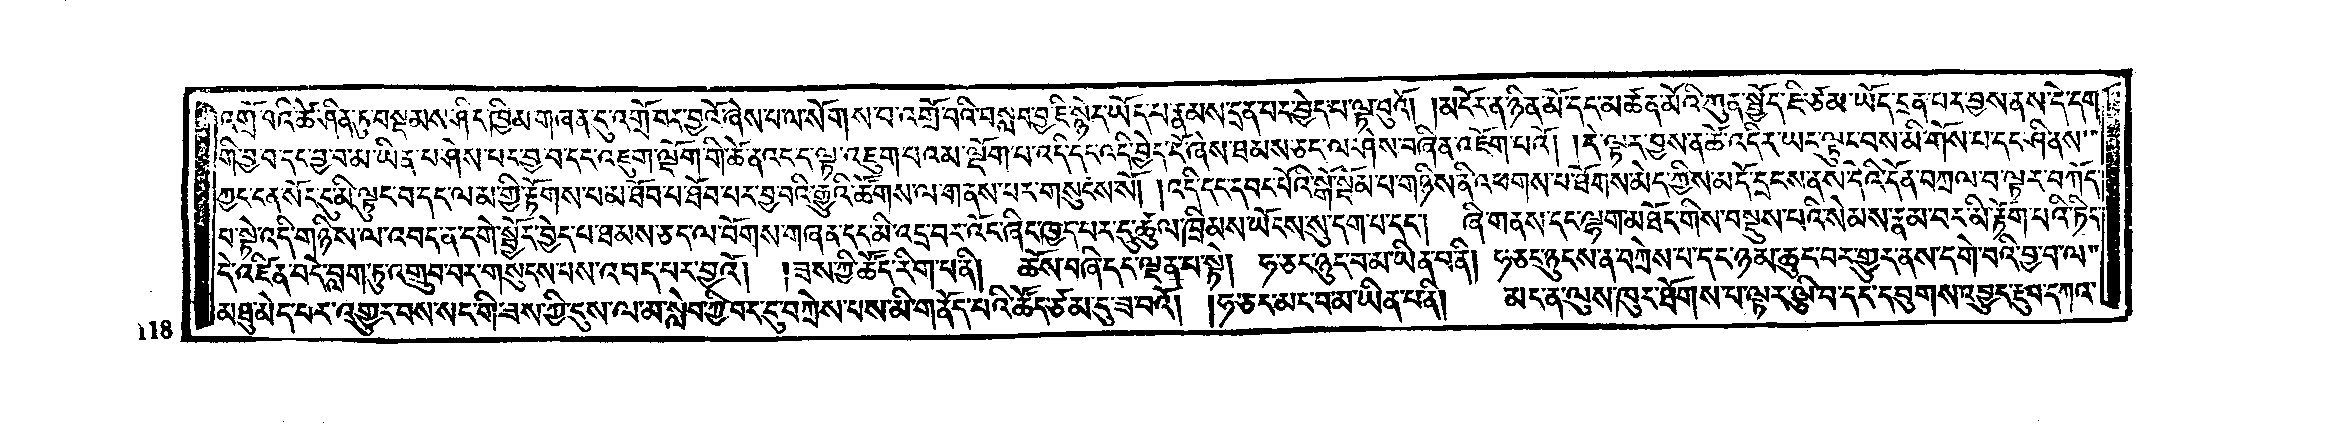འགྲོ་བའི་ཚེ་ཤིན་ཏུ་བསྡམས་ཤིང་ཁྱིམ་གཞན་དུ་འགྲོ་བར་བྱའོ་ཞེས་པ་ལ་སོགས་པ་འགྲོ་བའི་བསླབ་བྱ་ཇི་སྙེད་ཡོད་པ་རྣམས་དྲན་པར་བྱེད་པ་ལྟ་བུའོ། །མདོར་ན་ཉིན་མོ་དང་མཚན་མོའི་ཀུན་སྤྱོད་ཇི་ཙམ་ཡོད་དྲན་པར་བྱས་ནས་དེ་དག་
གི་བྱ་བ་དང་བྱ་བ་མ་ཡིན་པ་ཤེས་པར་བྱ་བ་དང་འཇུག་ལྡོག་གི་ཚེ་ནའང་ད་ལྟ་འཇུག་པའམ་ལྡོག་པ་འདི་དང་འདི་བྱེད་དོ་ཞེས་ཐམས་ཅད་ལ་ཤེས་བཞིན་འཇོག་པའོ། །དེ་ལྟར་བྱས་ན་ཚེ་འདིར་ཡང་ལྟུང་བས་མི་གོས་པ་དང་ཤི་ནས་
ཀྱང་ངན་སོང་དུ་མི་ལྟུང་བ་དང་ལམ་གྱི་རྟོགས་པ་མ་ཐོབ་པ་ཐོབ་པར་བྱ་བའི་རྒྱུའི་ཚོགས་ལ་གནས་པར་གསུངས་སོ། །འདི་དང་དབང་པོའི་སྒོ་སྡོམ་པ་གཉིས་ནི་འཕགས་པ་ཐོགས་མེད་ཀྱིས་མདོ་དྲངས་ནས་དེའི་དོན་བཀྲལ་བ་ལྟར་བཀོད་
པ་སྟེ་འདི་གཉིས་ལ་འབད་ན་དགེ་སྦྱོར་བྱེད་པ་ཐམས་ཅད་ལ་བོགས་གཞན་དང་མི་འདྲ་བར་འོང་ཞིང་ཁྱད་པར་དུ་ཚུལ་ཁྲིམས་ཡོངས་སུ་དག་པ་དང་། ཞི་གནས་དང་ལྷག་མཐོང་གིས་བསྡུས་པའི་སེམས་རྣམ་པར་མི་རྟོག་པའི་ཏིང་
ངེ་འཛིན་བདེ་བླག་ཏུ་འགྲུབ་པར་གསུངས་པས་འབད་པར་བྱའོ། །ཟས་ཀྱི་ཚོད་རིག་པ་ནི། ཆོས་བཞི་དང་ལྡན་པ་སྟེ། ཧ་ཅང་ཉུང་བ་མ་ཡིན་པ་ནི། ཧ་ཅང་ཉུངས་ན་བཀྲེས་པ་དང་ཉམ་ཆུང་བར་གྱུར་ནས་དགེ་བའི་བྱ་བ་ལ་
མཐུ་མེད་པར་འགྱུར་བས་སང་གི་ཟས་ཀྱི་དུས་ལ་མ་སླེབ་ཀྱི་བར་དུ་བཀྲེས་པས་མི་གནོད་པའི་ཚོད་ཙམ་དུ་ཟ་བའོ། །ཧ་ཅང་མང་བ་མ་ཡིན་པ་ནི། མང་ན་ལུས་ཁུར་ཐོགས་པ་ལྟར་ལྕི་བ་དང་དབུགས་འབྱུང་རྡུབ་དཀའ་